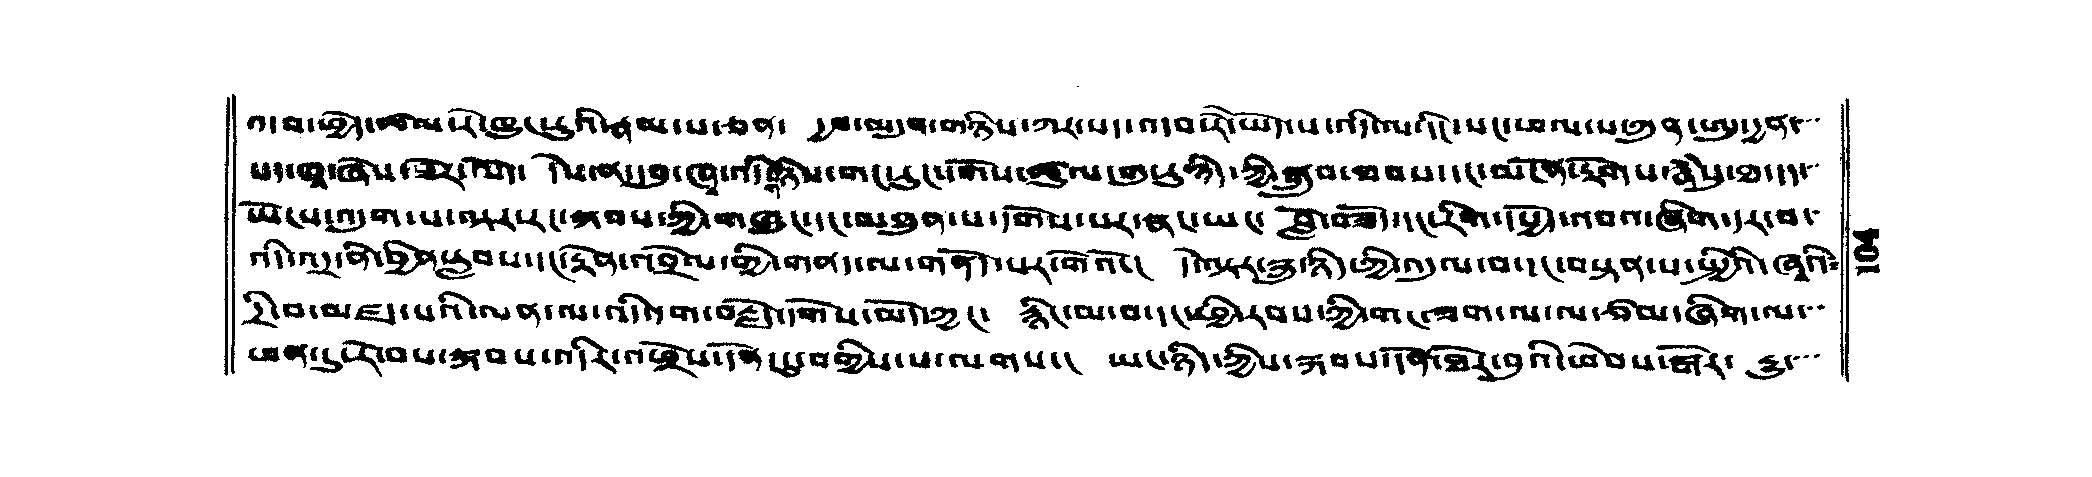འདབཔཕྱེདཔཚལཔརེཔཁྱུངཔརུའིཔརྣམཔ་པཅན། རྒྱབཔམདུནཔགཉིསཔཀརཔ་དཔའདབཔརེཔརེཔཡོདཔ་པའདིཔལཔདིངཔསངཔཕལཔབཔཀུནཔཨུཔརྒྱན་
དཔཞྭཔཞེསཔཟེརཔམོད། དེསཔནཔདབུཔཞྭཔའདིཔགཉིསཔགངཔརུངཔདགོསཔཚུལཔགུཔརུཔཉིདཔཀྱིཔསྒྲུབཔཐབསཔདངཔམངོནཔརྟོགསཔརྣམསཔསུཔཐཔདད་
ཡོངཔའདུགཔ་པལྟརཔརངཔསྐབསཔཀྱིཔགཞུངཔདངཔམཐུནཔ་པདགོསཔ་རཔསྣངཔཡངཔ། བློཔབཟོཔདངཔརིགཔདཔྱོདཔའབའཔཞིགཔདར་བ་
འདིཔའདྲཔནིཔབྱིནཔརླབསཔདངཔརྟེནཔའབྲེལཔགྱིཔགནདཔལཔགནོདཔ་རཔགོའོ། དེཔལྟརཔསྐུཔཉིདཔཀྱིཔའདུལཔབཔདངཔབསྟནཔ་པསྤྱིའིཔཞྭའི་
དྲིཔབཔམཛདཔ་འིཔལནཔལཔའདིཔདགཔབརྗོདཔདགོསཔམོདཔཀྱངཔ། རྙིངཔམཔབཔདངཔཕྱིཔརབསཔཀྱིཔགངཔཟགཔལཔལཔཙམཔཞིགཔལ་
ཕནཔདུཔརེཔབསཔསྐབསཔའདིརཔའཕྲོསཔདོནཔདུཔབགྱིསཔ་པལགས། ཡངཔཉིདཔཀྱིསཔསྐབསཔདོནཔཐོརཔབུའིཔཕེབསཔསྒོར། རྒྱུཔ